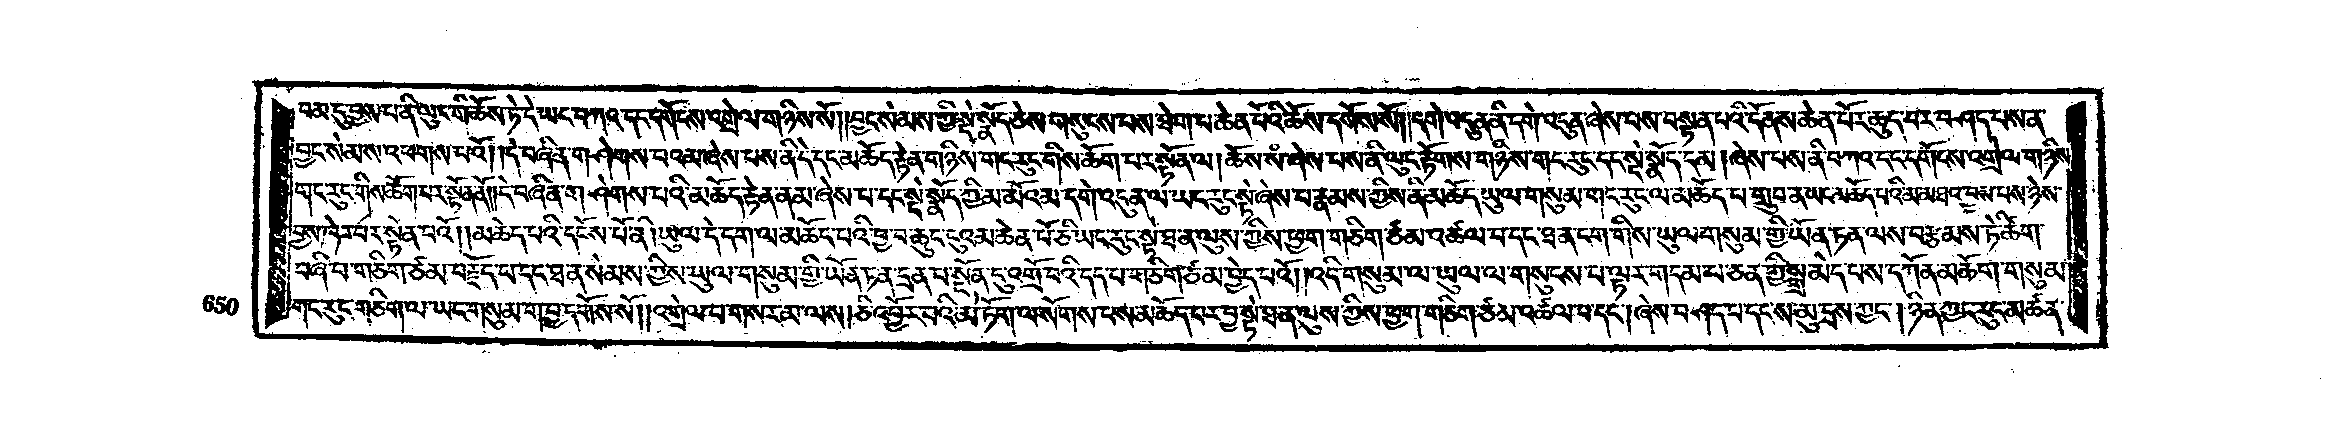བམ་དུ་བྱས་པ་ནི་ལུང་གི་ཆོས་ཏེ་དེ་ཡང་བཀའ་དང་དགོངས་འགྲེལ་གཉིས་སོ། །བྱང་སེམས་ཀྱི་སྡེ་སྣོད་ཅེས་གསུངས་པས་ཐེག་པ་ཆེན་པོའི་ཆོས་དགོས་སོ། །དགེ་འདུན་ནི་དགེ་འདུན་ཞེས་པས་བསྟན་པའི་དོན་ས་ཆེན་པོར་ཆུད་པར་བཤད་པས་ན་
བྱང་སེམས་འཕགས་པའོ། །དེ་བཞིན་གཤེགས་པའམ་ཞེས་པས་ནི་དེ་དང་མཆོད་རྟེན་གཉིས་གང་རུང་གིས་ཆོག་པར་སྟོན་ལ། ཆོས་སཾ་ཞེས་པས་ནི་ལུང་རྟོགས་གཉིས་གང་རུང་དང་སྡེ་སྣོད་དམ། ཞེས་པས་ནི་བཀའ་དང་དགོངས་འགྲེལ་གཉིས་
གང་རུང་གིས་ཆོག་པར་སྟོན་ནོ། །དེ་བཞིན་གཤེགས་པའི་མཆོད་རྟེན་ནམ་ཞེས་པ་དང་སྡེ་སྣོད་ཀྱི་མ་མོའམ་དགེ་འདུན་ལ་ཡང་རུང་སྟེ་ཞེས་པ་རྣམས་ཀྱིས་ནི་མཆོད་ཡུལ་གསུམ་གང་རུང་ལ་མཆོད་པ་གྲུབ་ན་ཡང་མཆོད་པའི་མ་མཐའ་བྱས་པས་ཉེས་
བྱས་ཁེཌ་པར་སྟེན་པའོ། །མཆེད་པའི་དངོས་པོ་ནི། ཡུལ་དེ་དག་ལ་མཆོད་པའི་བྱ་བ་ཆུང་ངུའམ་ཆེན་པོ་ཅི་ཡང་རུང་སྟེ་ཐ་ན་ལུས་ཀྱིས་ཕྱག་གཅིག་ཙམ་འཚལ་བ་དང་ཐ་ན་ངག་གིས་ཡུལ་གསུམ་གྱི་ཡོན་ཏན་ལས་བརྩམས་ཏེ་ཚིག་
བཞི་པ་གཅིག་ཙམ་བརྗོད་པ་དང་ཐ་ན་སེམས་ཀྱིས་ཡུལ་གསུམ་གྱི་ཡོན་ཏན་དྲན་པ་སྔོན་དུ་འགྲོ་བའི་དད་པ་གཅིག་ཙམ་བྱེད་པའོ། །འདི་གསུམ་ལ་ཡུལ་ལ་གསུངས་པ་ལྟར་གདམ་པ་ཅན་གྱི་སྒྲ་མེད་པས་དཀོན་མཆོག་གསུམ་
གང་རུང་གཅིག་ལ་ཡང་གསུམ་ག་བྱ་དགོས་སོ། །འགྲེལ་པ་གསར་མ་ལས། ཅི་འབྱོར་བའི་མེ་ཏོག་ལ་སོགས་པས་མཆོད་པར་བྱ་སྟེ་ཐ་ན་ལུས་ཀྱིས་ཕྱག་གཅིག་ཙམ་འཚལ་བ་དང་། ཞེས་བཤད་པ་དང་ས་མུ་དྲས་ཀྱང་། ཉིན་ཀྱང་རུང་མཚན་